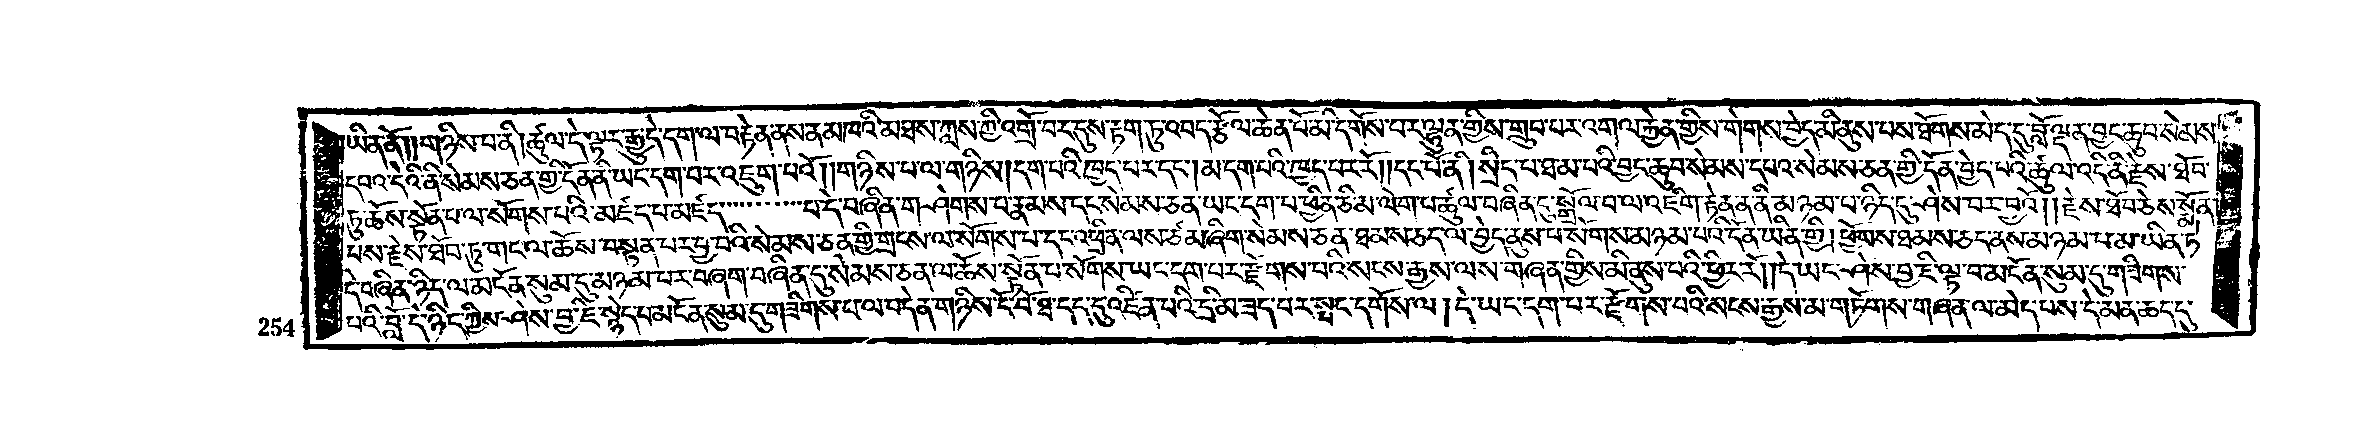ཡིན་ནོ། །གཉིས་པ་ནི། ཚུལ་དེ་ལྟར་རྒྱུ་དེ་དག་ལ་བརྟེན་ནས་ནམ་མཁའི་མཐས་ཀླས་ཀྱི་འགྲོ་བར་དུས་རྟག་ཏུ་འབད་རྩོལ་ཆེན་པོ་མི་དགོས་པར་ལྷུན་གྱིས་གྲུབ་པར་འགལ་རྐྱེན་གྱིས་གེགས་བྱེད་མི་ནུས་པས་ཐོགས་མེད་དུ་བློ་ལྡན་བྱང་ཆུབ་སེམས་
དཔའ་དེའི་ནི་སེམས་ཅན་གྱི་དོན་ནི་ཡང་དག་པར་འཇུག་པའོ། །གཉིས་པ་ལ་གཉིས། དག་པའི་ཁྱད་པར་དང་། མ་དག་པའི་ཁྱད་པར་རོ། །དང་པོ་ནི། སྲིད་པ་ཐ་མ་པའི་བྱང་ཆུབ་སེམས་དཔའ་སེམས་ཅན་གྱི་དོན་བྱེད་པའི་ཚུལ་འདི་ནི་རྗེས་ཐོབ་
ཏུ་ཆོས་སྟོན་པ་ལ་སོགས་པའི་མཛད་པ་མཛད་པ་དེ་བཞིན་གཤེགས་པ་རྣམས་དང་སེམས་ཅན་ཡང་དག་པ་ཕྱིན་ཅི་མ་ལོག་པ་ཚུལ་བཞིན་དུ་སྒྲོལ་བ་ལ་འཇིག་རྟེན་ན་ནི་མཉམ་པ་ཉིད་དུ་ཤེས་པར་བྱའོ། །རྗེས་ཐོབ་ཅེས་སྨོན་
པས་རྗེས་ཐོབ་ཏུ་གང་ལ་ཆོས་བསྟན་པར་བྱ་བའི་སེམས་ཅན་གྱི་གྲངས་ལ་སོགས་པ་དང་འཕྲིན་ལས་ཙམ་ཞིག་སེམས་ཅན་ཐམས་ཅད་ལ་བྱེད་ནུས་པ་སོགས་མཉམ་པའི་དོན་ཡིན་གྱི་།ཕྱོགས་ཐམས་ཅད་ནས་མཉམ་པ་མ་ཡིན་ཏེ་
དེ་བཞིན་ཉིད་ལ་མངོན་སུམ་དུ་མཉམ་པར་བཞག་བཞིན་དུ་སེམས་ཅན་ལ་ཆོས་སྟོན་པ་སོགས་ཡང་དག་པར་རྫོགས་པའི་སངས་རྒྱས་ལས་གཞན་གྱིས་མི་ནུས་པའི་ཕྱིར་རོ། །དེ་ཡང་ཤེས་བྱ་ཇི་ལྟ་བ་མངོན་སུམ་དུ་གཟིགས་
པའི་བློ་དེ་ཉིད་ཀྱིས་ཤེས་བྱ་ཇི་སྙེད་པ་མངོན་སུམ་དུ་གཟིགས་པ་ལ་བདེན་གཉིས་ངོ་བོ་ཐ་དད་དུ་འཛིན་པའི་དྲི་མ་ཟད་པར་སྤང་དགོས་ལ། དེ་ཡང་དག་པར་རྫོགས་པའི་སངས་རྒྱས་མ་གཏོགས་གཞན་ལ་མེད་པས་དེ་མན་ཆད་དུ་